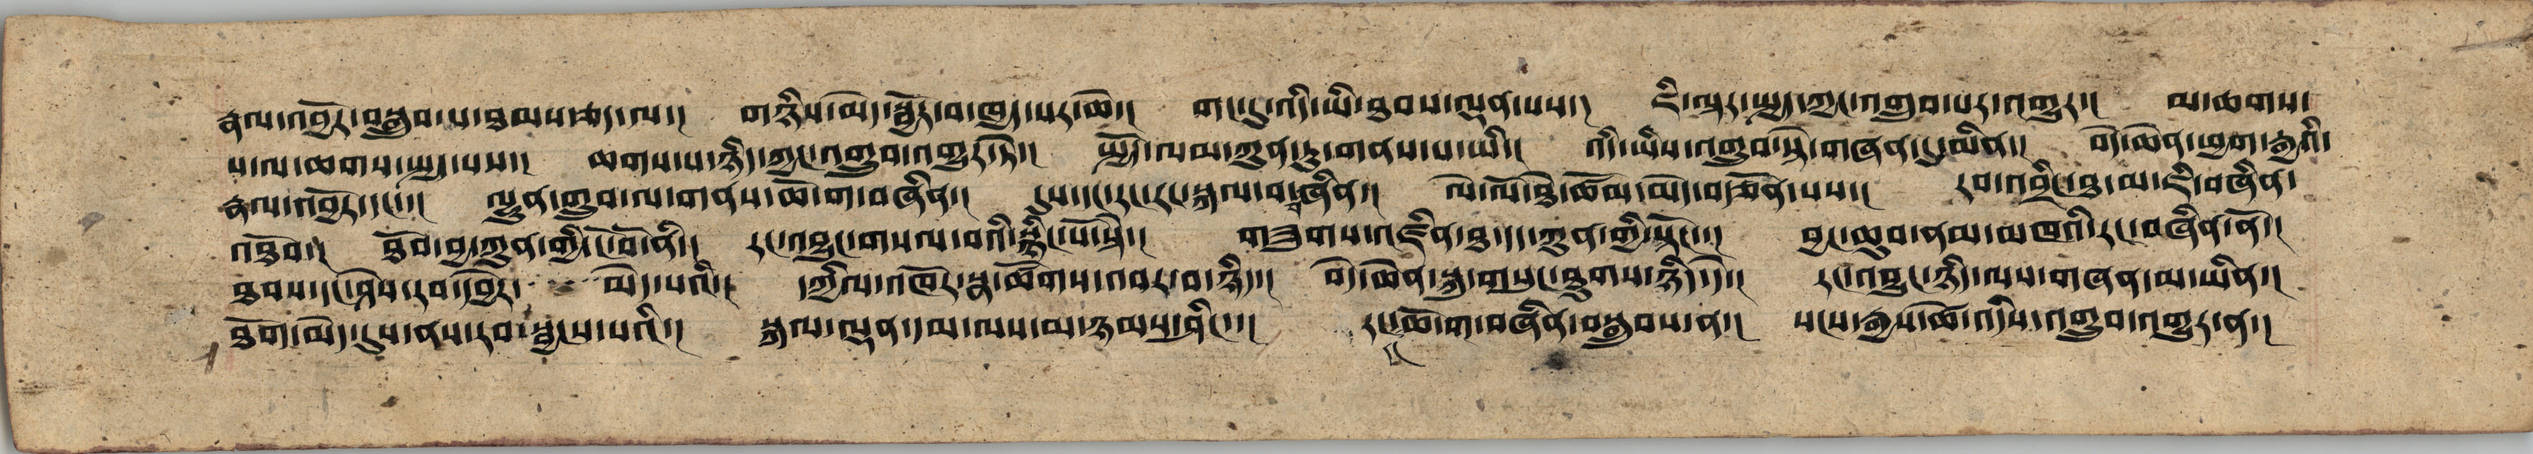རྣལ་འབྱོར་བསྒྲུབ་པ་ཐམས་ཅད་ལ་། གཉིས་མེད་སྦྱོར་བ་ཁྱད་པར་ཆེ་། གང་དུ་འདི་ཡི་ཐབས་ལྡན་པས་། ཇི་ལྟར་སྤྱན་ཀྱང་འགྲུབ་པར་འགྱུར་། མ་ཆགས་
པ་ལ་ཆགས་སྤྱད་པས་། ཆགས་པ་ཉིད་ཀྱང་འགྲུབ་འགྱུར་ཏེ་། སྤྱོད་ལམ་ཀུན་ཏུ་གནས་པ་ཡི་། འདི་ཡིས་འགྲུབ་སྟེ་གཞན་དུ་མིན་། བདེ་ཆེན་ཕྱག་རྒྱའི་
རྣལ་འབྱོར་དང་་། ལྷུན་གྲུབ་ལ་གནས་ཆོ་ག་བཞིན་། དུས་དང་རང་རང་སྐལ་བ་བཞིན་། ལེ་ལོ་ཐེ་ཚོམ་མེད་བརྩོན་པས་། རང་འབྲིང་ཐ་མ་ཇི་བཞིན་
འཐོབ་། ཐོབ་བྱ་ཀུན་གྱི་ངོ་བོ་ནི་། རང་འབྱུང་གསལ་བའི་སྙིང་པོ་སྟེ་། གཟུགས་འཛིན་ཐ་དད་ཀུན་གྱི་སྟོང་་། བྱང་ཆུབ་ནམ་མཁའི་རང་བཞིན་ནོ་།
ཐབས་དང་ཤེས་རབ་དབྱེར་ ་་་་ མེད་པའི་། དཀྱིལ་འཁོར་སྣ་ཚོགས་འབར་བ་ཉིད་། བདེ་ཆེན་སྐུ་གསུང་ཐུགས་ཉིད་དེ་། རང་འབྱུང་ཉིད་ལས་གཞན་མ་ཡིན་།
ཐོག་མེད་དུས་ནས་རབ་སྦྱངས་པའི་། སྐལ་ལྡན་དམ་ལས་མ་ཉམས་ཤིང་་། རང་ཆོ་ག་བཞིན་བསྒྲུབས་ན་། སངས་རྒྱས་ཚེ་འདིས་འགྲུབ་འགྱུར་ན་།